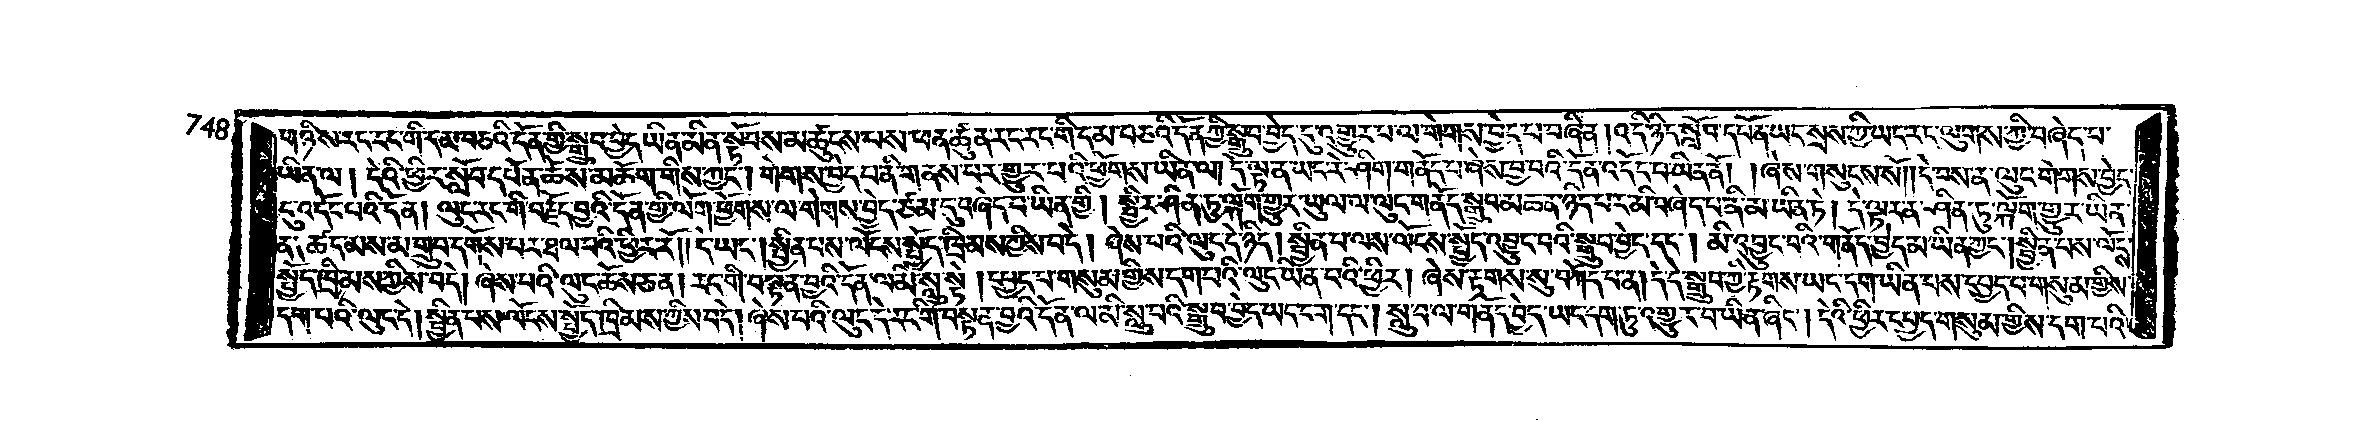གཉིས་རང་རང་གི་དམ་བཅའ་དོན་གྱི་སྒྲུབ་བྱེད་ཡིན་མིན་སྟོབས་མཚུངས་པས་ཕན་ཚུན་རང་རང་གི་དམ་བཅའི་དོན་གྱི་སྒྲུབ་བྱེད་དུ་འགྱུར་པ་ལ་གེགས་བྱེད་པ་བཞིན། འདི་ཉིད་སློབ་དཔོན་ཡང་སྲས་ཀྱི་ཡང་རང་ལུགས་ཀྱི་བཞེད་པ་
ཡིན་ལ། དེའི་ཕྱིར་སློབ་དཔོན་ཆོས་མཆོག་གིས་ཀྱང་། གེགས་བྱེད་པ་ནི་གནས་པར་གྱུར་བའི་ཕྱོགས་ཡིན་ལ། དེ་ལྟ་ན་ཡང་རེ་ཤིག་གནོད་པ་ཞེས་བྱ་བའི་དོན་འདོད་པ་ཡིན་ནོ། །ཞེས་གསུངས་སོ། །དེ་བས་ན་ལུང་གེགས་བྱེད་
དུ་འདོད་པའི་དོན། ལུང་རང་གི་བརྗོད་བྱའི་དོན་གྱི་ལོག་ཕྱོགས་ལ་གེགས་བྱེད་ཙམ་དུ་བཞེད་པ་ཡིན་གྱི། སྤྱིར་ཤིན་ཏུ་ལྐོག་གྱུར་ཡུལ་ལ་ལུང་གནོད་སྒྲུབ་མཚན་ཉིད་པར་མི་བཞེད་པ་ནི་མ་ཡིན་ཏེ། དེ་ལྟར་ན་ཤིན་ཏུ་ལྐོག་གྱུར་ཡིན་
ན། ཚད་མས་མ་གྲུབ་དགོས་པར་ཐལ་བའི་ཕྱིར་རོ། །དེ་ཡང་། སྤྱིན་པས་ལོངས་སྤྱོད་ཁྲིམས་ཀྱིས་བདེ། ཞེས་པའི་ལུང་དེ་ཉིད། སྦྱིན་པ་ལས་ལོངས་སྤྱོད་འབྱུང་བའི་སྒྲུབ་བྱེད་དང་། མི་འབྱུང་བའི་གནོད་བྱེད་མ་ཡིན་ཀྱང་། སྦྱིན་པས་ལོངས་
སྤྱོད་ཁྲིམས་ཀྱིས་བདེ། ཞེས་པའི་ལུང་ཆོས་ཅན། རང་གི་བསྟན་བྱའི་དོན་ལ་མི་སླུ་སྟེ། དཔྱད་པ་གསུམ་གྱིས་དག་པའི་ལུང་ཡིན་པའི་ཕྱིར། ཞེས་རྟགས་སུ་བཀོད་པ་ན། དེ་དེ་སྒྲུབ་ཀྱི་རྟགས་ཡང་དག་ཡིན་པས་དཔྱད་པ་གསུམ་གྱིས་
དག་པའི་ལུང་དེ། སྦྱིན་པས་ལོངས་སྤྱོད་ཁྲིམས་ཀྱིས་བདེ། ཞེས་པའི་ལུང་དེ་རང་གི་བསྟན་བྱའི་དོན་ལ་མི་སླུ་བའི་སྒྲུབ་བྱེད་ཡང་དག་དང་། སླུ་བ་ལ་གནོད་བྱེད་ཡང་དག་ཏུ་འགྱུར་བ་ཡིན་ཞིང་། དེའི་ཕྱིར་དཔྱད་གསུམ་གྱིས་དག་པའི་